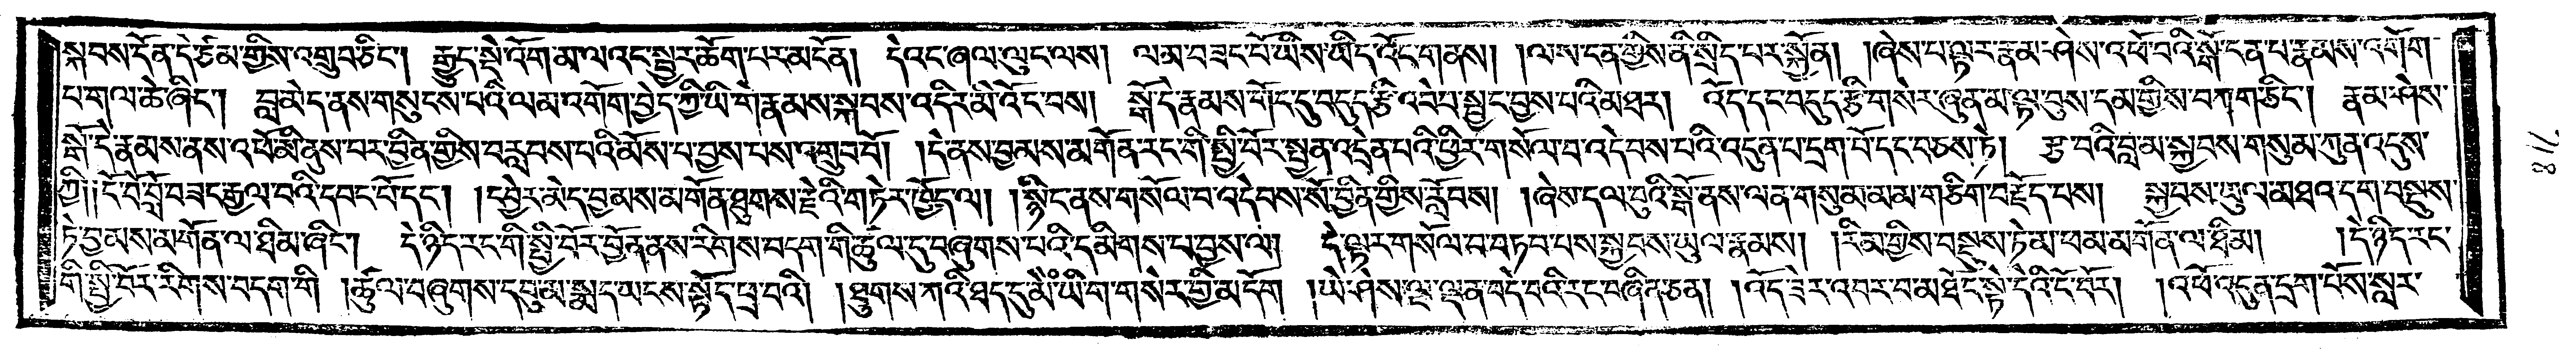སྐབས་དོན་དེ་ཙམ་གྱིས་འགྲུབ་ཅིང་། རྒྱུད་སྡེ་འོག་མ་ལའང་སྦྱར་ཆོག་པར་མངོན། དེའང་ཞལ་ལུང་ལས། ལམ་བཟང་པོ་ཡིས་ཡིད་འོང་གནས། །ལས་ངན་གྱིས་ནི་སྲིད་པར་སྐྱོན། །ཞེས་པ་ལྟར་རྣམ་ཤེས་འཕོ་བའི་སྒོ་ངན་པ་རྣམས་འགོག་
བ་གལ་ཆེ་ཞིང་། བླ་མེད་ནས་གསུངས་པའི་ལམ་འགོག་བྱེད་ཀྱི་ཡི་གེ་རྣམས་སྐབས་འདིར་མི་འོང་བས། སྒོ་དེ་རྣམས་གོང་དུ་བདུད་རྩི་འབེབ་སྦྱང་བྱས་པའི་མཐར། འོད་དང་བདུད་རྩི་གསེར་ཞུན་མ་ལྟ་བུས་དམ་གྱི་བཀག་ཅིང་། རྣམ་ཤེས་
སྒོ་དེ་རྣམས་ནས་འཕོ་མི་ནུས་པར་བྱིན་གྱིས་བརླབས་པའི་མོས་པ་བྱས་པས་འགྲུབ་བོ། །དེ་ནས་བྱམས་མགོན་རང་གི་སྤྱི་བོར་སྤྱན་འདྲེན་པའི་ཕྱིར་གསོལ་བ་འདེབས་པའི་འདུན་པ་དྲག་པོ་དང་བཅས་ཏེ། རྩ་བའི་བླ་མ་སྐྱབས་གསུམ་ཀུན་འདུས་
ཀྱི༑ ༑ངོ་བོ་བློ་བཟང་རྒྱལ་བའི་དབང་པོ་དང་། །དབྱེར་མེད་བྱམས་མགོན་ཐུགས་རྗེའི་གཏེར་ཁྱོད་ལ། །སྙིང་ནས་གསོལ་བ་འདེབས་སོ་བྱིན་གྱིས་རློབས། །ཞེས་དལ་བུའི་སྒོ་ནས་ལན་གསུམ་མམ་གཅིག་བརྗོད་པས། སྐྱབས་ཡུལ་མཐའ་དག་བསྡུས་
ཏེ་བྱམས་མགོན་ལ་ཐིམ་ཞིང་། དེ་ཉིད་རང་གི་སྤྱི་བོར་བྱོན་ནས་རིགས་བདག་གི་ཚུལ་དུ་བཞུགས་པའི་དམིགས་པ་བྱས་ལ། དེ་ལྟར་གསོལ་བ་བཏབ་པས་སྐྱབས་ཡུལ་རྣམས། །རིམ་གྱིས་བསྡུས་ཏེ་མ་ཕམ་མགོན་ལ་ཐིམ། །དེ་ཉིད་རང་
གི་སྤྱི་བོར་རིགས་བདག་གི །ཚུལ་བཞུགས་དབུ་མ་སྨད་ཡངས་སྟོད་ཕྲ་བའི། །ཐུགས་ཀའི་ཐད་དུ་མཻཾ་ཡིག་གསེར་གྱི་མདོག །ཡེ་ཤེས་ལྔ་ལྡན་བདེ་བའི་རང་བཞིན་ཅན། །འོད་ཟེར་འབར་མ་མཐོང་སྟེ་དེའི་ངོ་བོར། །འཕོ་འདུན་དྲག་པོས་སླར་